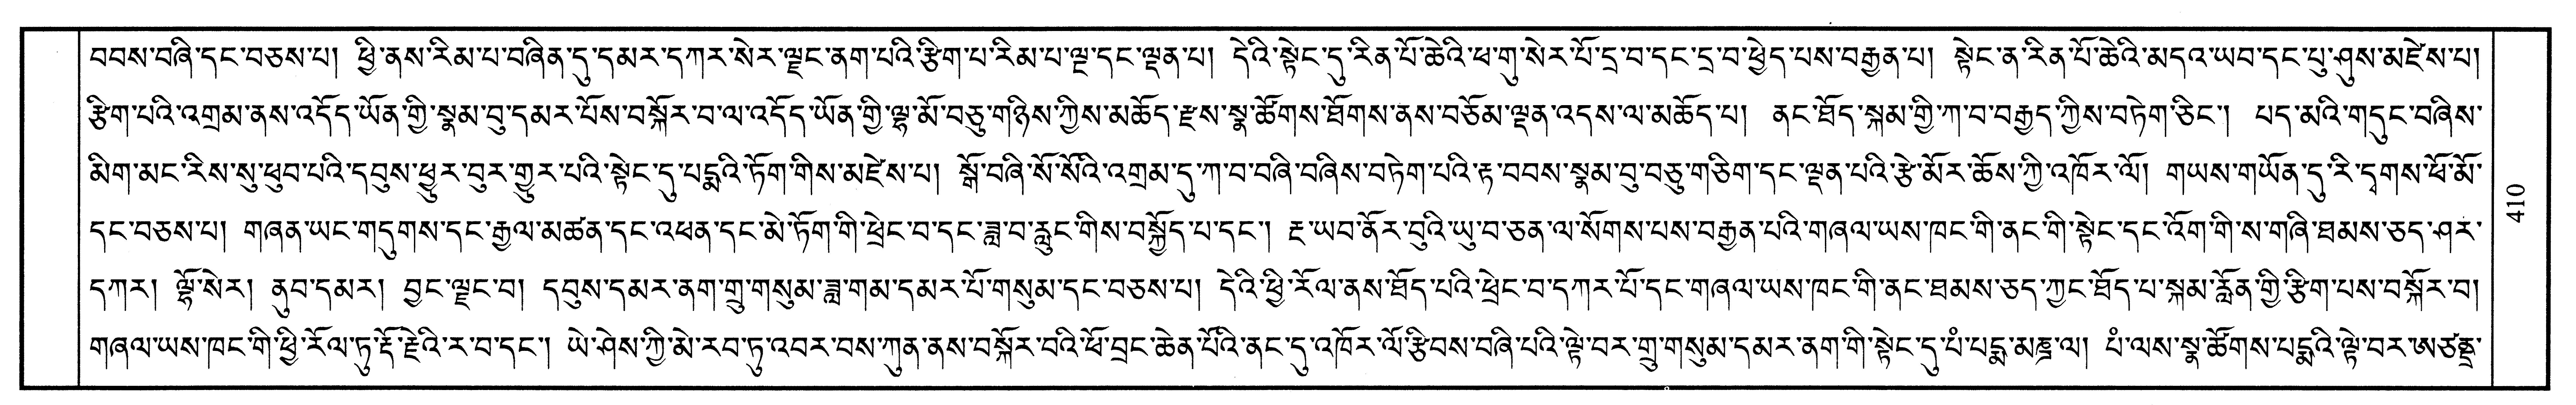བབས་བཞི་དང་བཅས་པ། ཕྱི་ནས་རིམ་པ་བཞིན་དུ་དམར་དཀར་སེར་ལྗང་ནག་པའི་རྩིག་པ་རིམ་པ་ལྔ་དང་ལྡན་པ། དེའི་སྟེང་དུ་རིན་པོ་ཆེའི་ཕ་གུ་སེར་པོ་དྲ་བ་དང་དྲ་བ་ཕྱེད་པས་བརྒྱན་པ། སྟེང་ན་རིན་པོ་ཆེའི་མདའ་ཡབ་དང་པུ་ཤུས་མཛེས་པ།
རྩིག་པའི་འགྲམ་ནས་འདོད་ཡོན་གྱི་སྣམ་བུ་དམར་པོས་བསྐོར་བ་ལ་འདོད་ཡོན་གྱི་ལྷ་མོ་བཅུ་གཉིས་ཀྱིས་མཆོད་རྫས་སྣ་ཚོགས་ཐོགས་ནས་བཅོམ་ལྡན་འདས་ལ་མཆོད་པ། ནང་ཐོད་སྐམ་གྱི་ཀ་བ་བརྒྱད་ཀྱིས་བཏེག་ཅིང་། པད་མའི་གདུང་བཞིས་
མིག་མང་རིས་སུ་ཕུབ་པའི་དབུས་ཕྱུར་བུར་གྱུར་པའི་སྟེང་དུ་པདམའི་ཏོག་གིས་མཛེས་པ། སྒོ་བཞི་སོ་སོའི་འགྲམ་དུ་ཀ་བ་བཞི་བཞིས་བཏེག་པའི་རྟ་བབས་སྣམ་བུ་བཅུ་གཅིག་དང་ལྡན་པའི་རྩེ་མོར་ཆོས་ཀྱི་འཁོར་ལོ། གཡས་གཡོན་དུ་རི་དྭགས་ཕོ་མོ་
དང་བཅས་པ། གཞན་ཡང་གདུགས་དང་རྒྱལ་མཚན་དང་འཕན་དང་མེ་ཏོག་གི་ཕྲེང་བ་དང་ཟླ་བ་རླུང་གིས་བསྐྱོད་པ་དང་། རྔ་ཡབ་ནོར་བུའི་ཡུ་བ་ཅན་ལ་སོགས་པས་བརྒྱན་པའི་གཞལ་ཡས་ཁང་གི་ནང་གི་སྟེང་དང་འོག་གི་ས་གཞི་ཐམས་ཅད་ཤར་
དཀར། ལྷོ་སེར། ནུབ་དམར། བྱང་ལྗང་བ། དབུས་དམར་ནག་གྲུ་གསུམ་ཟླ་གམ་དམར་པོ་གསུམ་དང་བཅས་པ། དེའི་ཕྱི་རོལ་ནས་ཐོད་པའི་ཕྲེང་བ་དཀར་པོ་དང་གཞལ་ཡས་ཁང་གི་ནང་ཐམས་ཅད་ཀྱང་ཐོད་པ་སྐམ་རློན་གྱི་རྩིག་པས་བསྐོར་བ།
གཞལ་ཡས་ཁང་གི་ཕྱི་རོལ་ཏུ་རྡོ་རྗེའི་ར་བ་དང་། ཡེ་ཤེས་ཀྱི་མེ་རབ་ཏུ་འབར་བས་ཀུན་ནས་བསྐོར་བའི་ཕོ་བྲང་ཆེན་པོའི་ནང་དུ་འཁོར་ལོ་རྩིབས་བཞི་པའི་ལྟེ་བར་གྲུ་གསུམ་དམར་ནག་གི་སྟེང་དུ་པཾ་པདམ་མཎྜ་ལ། པཾ་ལས་སྣ་ཚོགས་པདམའི་ལྟེ་བར་ཨཙནྡྲ་